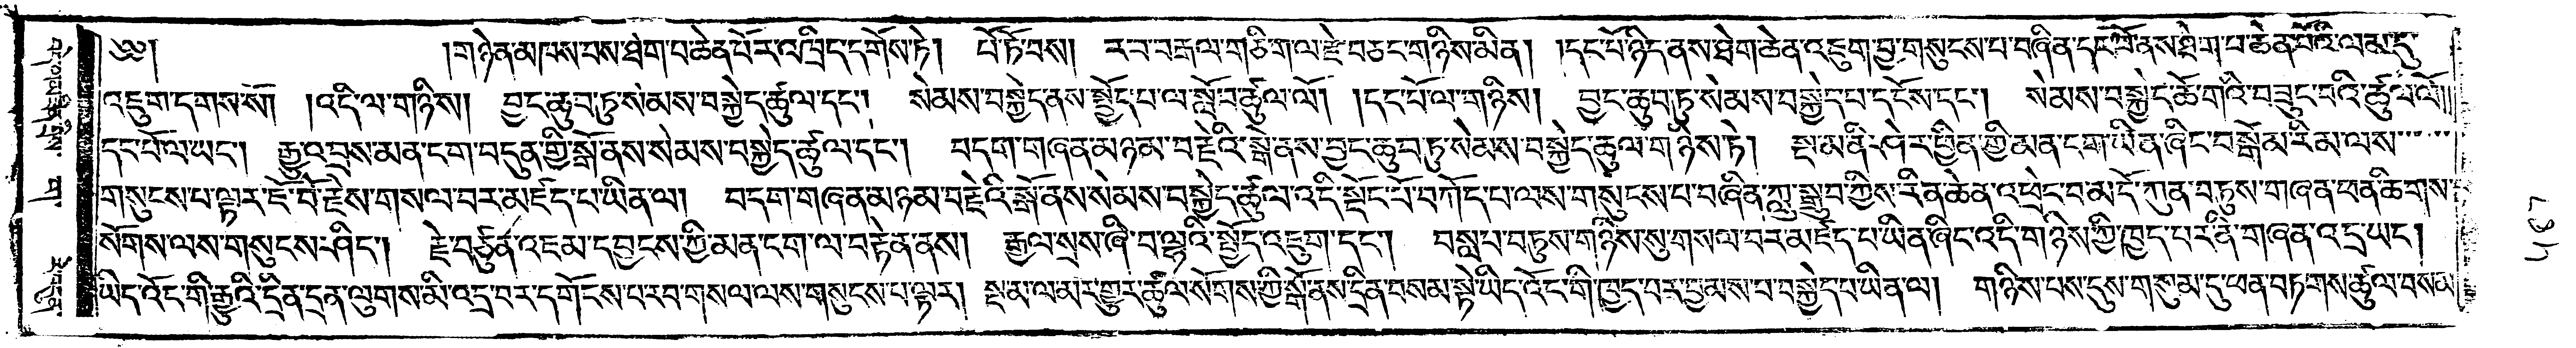༄༅། །གཉེན་མཁས་པས་ཐེག་པ་ཆེན་པོར་འཁྲིད་དགོས་ཏེ། པོ་ཏོ་བས། རབ་བརྒལ་གཅིག་ལ་རྗེ་བཅང་གཉིས་མིན། །དང་པོ་ཉིད་ནས་ཐེག་ཆེན་འཇུག་བྱ་གསུངས་པ་བཞིན་དང་པོ་ནས་ཐེག་པ་ཆེན་པོའི་ལམ་དུ་
འཇུག་དགོས་སོ། །འདི་ལ་གཉིས། བྱང་ཆུབ་ཏུ་སེམས་བསྐྱེད་ཚུལ་དང་། སེམས་བསྐྱེད་ནས་སྤྱོད་པ་ལ་སློབ་ཚུལ་ལོ། །དང་པོ་ལ་གཉིས། བྱང་ཆུབ་ཏུ་སེམས་བསྐྱེད་པ་དངོས་དང་། སེམས་བསྐྱེད་ཆོ་གའི་བཟུང་བའི་ཚུལ་ལོ།།
དང་པོ་ལ་ཡང་། རྒྱུ་འབྲས་མན་ངག་བདུན་གྱི་སྒོ་ནས་སེམས་བསྐྱེད་ཚུལ་དང་། བདག་གཞན་མཉམ་བརྗེའི་སྒོ་ནས་བྱང་ཆུབ་ཏུ་སེམས་བསྐྱེད་ཆུལ་གཉིས་ཏེ། སྔ་མ་ནི་ཤེར་ཕྱིན་གྱི་མན་ངག་ཡིན་ཞིང་བསྒོམ་རིམ་ལས་
གསུངས་པ་ལྟར་ཇོ་བོ་རྗེས་གསལ་བར་མཛད་པ་ཡིན་ལ། བདག་གཞན་མཉམ་བརྗེའི་སྒོ་ནས་སེམས་བསྐྱེད་ཚུལ་འདི་སྡོང་པོ་བཀོད་པ་ལས་གསུངས་པ་བཞིན་ཀླུ་སྒྲུབ་ཀྱིས་རིན་ཆེན་འཕྲེང་བ་མདོ་ཀུན་བཏུས་གཞན་ཕན་ཚིགས་
སོགས་ལས་གསུངས་ཤིང་། རྗེ་བཙུན་འཇམ་དབྱངས་ཀྱི་མན་ངག་ལ་བརྟེན་ནས། རྒྱལ་སྲས་ཞི་བ་ལྷའི་སྤྱོད་འཇུག་དང་། བསླབ་བཏུས་གཉིས་སུ་གསལ་བར་མཛད་པ་ཡིན་ཞིང་འདི་གཉིས་ཀྱི་ཁྱད་པར་ནི་གཞན་འདྲ་ཡང་།
ཡིད་འོང་གི་རྒྱུའི་དྲིན་དྲན་ལུགས་མི་འདྲ་བར་དགོངས་པ་རབ་གསལ་ལས་གསུངས་པ་ལྟར། སྔ་མ་ལ་མར་གྱུར་ཚུལ་སོགས་ཀྱི་སྒོ་ནས་དྲིན་བསམ་སྟེ་ཡིད་འོང་གི་ཁྱད་པར་བྱམས་པ་བསྐྱེད་པ་ཡིན་ལ། གཉིས་པས་དུས་གསུམ་དུ་ཕན་བཏགས་ཚུལ་བསམ་